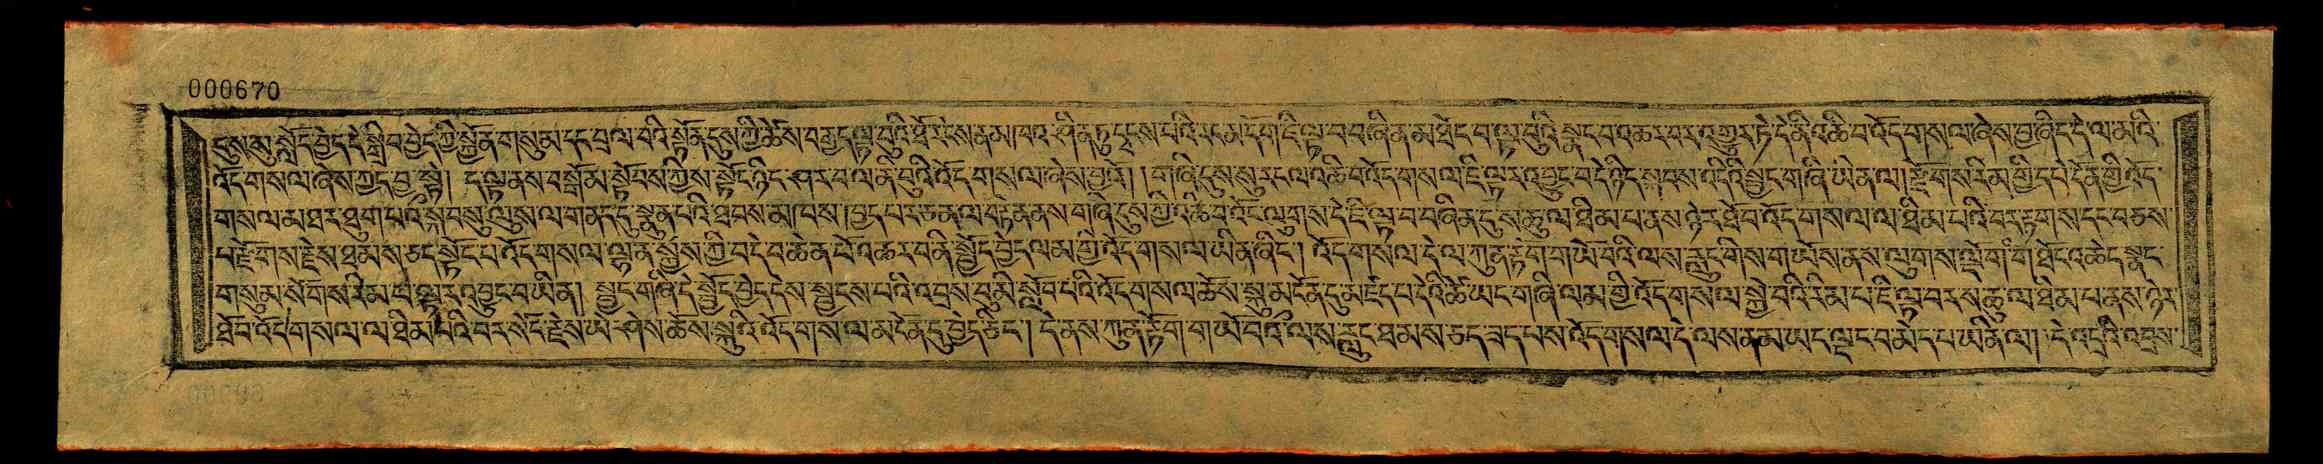དུས་སུ་སློང་བྱེད་དེ་སྒྲིབ་བྱེད་ཀྱི་སྐྱོན་གསུམ་དང་བྲལ་བའི་སྟོན་དུས་ཀྱི་ཚེས་བརྒྱད་ལྟ་བུའི་ཐོ་རངས་ནམ་མཁའ་ཤིན་ཏུ་དྭངས་པའི་རང་མདོག་ཇི་ལྟ་བ་བཞིན་མཐོང་བ་ལྟ་བུའི་སྣང་བ་འཆར་བར་འགྱུར་ཏེ་དེ་ནི་འཆི་བ་འོད་གསལ་ཞེས་བྱ་ཞིང་དེ་ལ་མའི་
འོད་གསལ་ཞེས་ཀྱང་བྱ་སྟེ། ད་ལྟ་ནས་བསྒོམ་སྟོབས་ཀྱིས་སྟོང་ཉིད་ཤར་བ་ལ་ནི་བུའི་འོད་གསལ་ཞེས་བྱའོ། །གཞི་དུས་སུ་རང་ལ་འཆི་བ་འོད་གསལ་ཇི་ལྟར་འབྱུང་བ་དེ་ཉིད་སྐབས་འདིའི་སྦྱང་གཞི་ཡིན་ལ། རྫོགས་རིམ་གྱི་དཔེ་དོན་གྱི་འོད་
གསལ་མཐར་ཐུག་པའི་སྐབས་སུ་ལུས་ལ་གནད་དུ་སྣུན་པའི་ཐབས་མཁས་ཁྱད་པར་ཅན་ལ་བརྟེན་ནས་གཞི་དུས་ཀྱི་འཆི་བ་འོང་ལུགས་དེ་ཇི་ལྟ་བ་བཞིན་དུ་ས་ཆུ་ལ་ཐིམ་པ་ནས་ཉེར་ཐོབ་འོད་གསལ་ལ་ཐིམ་པའི་བར་རྟགས་དང་བཅས་
པ་རྫོགས་རྗེས་ཐམས་ཅད་སྟོང་པ་འོད་གསལ་ལྷན་སྐྱེས་ཀྱི་བདེ་བ་ཆེན་པོ་འཆར་བ་ནི་སྦྱོང་བྱེད་ལམ་གྱི་འོད་གསལ་ཡིན་ཞིང་། འོད་གསལ་དེ་ལས་ཀུན་རྟོག་གཡོ་བའི་ལས་རླུང་གིས་གཡོས་ནས་ལུགས་ལྡོག་གི་ཐོབ་མཆེད་སྣང་
གསུམ་སོགས་རིམ་པ་ལྟར་འབྱུང་བ་ཡིན། སྦྱང་གཞི་དེ་སྦྱོང་བྱེད་དེས་སྦྱངས་པའི་འབྲས་བུ་མི་སློབ་པའི་འོད་གསལ་ཆོས་སྐུ་མངོན་དུ་མཛད་པ་དེའི་ཚེ་ཡང་གཞི་ལམ་གྱི་འོད་གསལ་སྐྱེ་བའི་རིམ་པ་ཇི་ལྟ་བར་ས་ཆུ་ལ་ཐིམ་པ་ནས་ཉེར་
ཐོབ་འོད་གསལ་ལ་ཐིམ་པའི་བར་སོང་རྗེས་ཡེ་ཤེས་ཆོས་སྐུའི་འོད་གསལ་མངོན་དུ་བྱེད་ཅིང་། དེ་ནས་ཀུན་རྟོག་གཡོ་བའི་ལས་རླུང་ཐམས་ཅད་ཟད་པས་འོད་གསལ་དེ་ལས་ནམ་ཡང་ལྡང་བ་མེད་པ་ཡིན་ལ། དེ་འདྲའི་འབྲས་